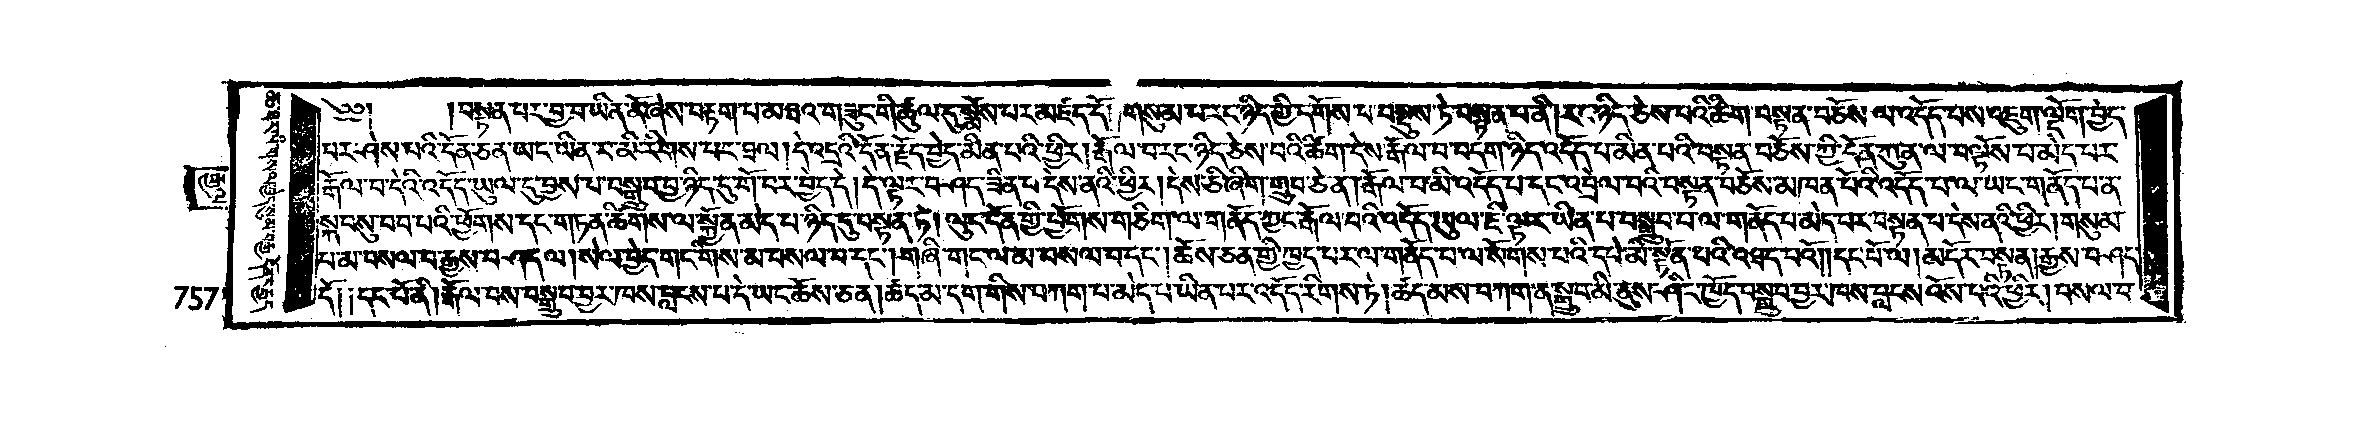༄༅། །བསྟན་པར་བྱ་བ་ཡིན་ནོ་ཞེས་བརྟག་པ་མཐའ་གཟུང་གི་ཚུལ་དུ་སྨོས་པར་མཛད་དོ། །གསུམ་པ་རང་ཉིད་ཀྱི་དགོས་པ་བསྡུས་ཏེ་བསྟན་པ་ནི། རང་ཉིད་ཅེས་པའི་ཚིག་བསྟན་བཅོས་ལ་འདོད་པས་འཇུག་ལྡོག་བྱེད་
པར་ཤེས་པའི་དོན་ཅན་ཡང་ཡིན་པ་མི་རིགས་པར་ཐལ། དེ་འདྲའི་དོན་རྗོད་བྱེད་མིན་པའི་ཕྱིར། རྒོལ་བ་རང་ཉིད་ཅེས་པའི་ཚིག་དེས་རྒོལ་བ་བདག་ཉིད་འདོད་པ་མིན་པའི་བསྟན་བཅོས་ཀྱི་དོན་ཀུན་ལ་བལྟོས་པ་མེད་པར་
རྒོལ་བ་དེའི་འདོད་ཡུལ་དུ་བྱས་པ་བསྒྲུབ་བྱ་ཉིད་དུ་གོ་བར་བྱེད་དེ། དེ་ལྟར་བཤད་ཟིན་པ་དེས་ནའི་ཕྱིར། དེས་ཅི་ཞིག་གྲུབ་ཅེ་ན། རྒོལ་བ་མི་འདོད་པ་དང་འབྲེལ་བའི་བསྟན་བཅོས་མཁན་པོའི་འདོད་པ་ལ་ཡང་གནོད་པ་ན་
སྐབས་སུ་བབ་པའི་ཕྱོགས་དང་གཏན་ཚིགས་ལ་སྐྱོན་མེད་པ་ཉིད་དུ་བསྟན་ཏོ། ལུང་དོན་གྱི་ཕྱོགས་གཅིག་ལ་གནོད་ཀྱང་རྒོལ་བའི་འདོད་ཡུལ་ཇི་ལྟར་ཡིན་པ་བསྒྲུབ་པ་ལ་གནོད་པ་མེད་པར་བསྟན་པ་དེས་ནའི་ཕྱིར། གསུམ་
པ་མ་བསལ་བ་རྒྱས་བཤད་ལ། སེལ་བྱེད་གང་གིས་མ་བསལ་བ་དང་། གཞི་གང་ལ་མ་བསལ་བ་དང་། ཆོས་ཅན་གྱི་ཁྱད་པར་ལ་གནོད་པ་ལ་སོགས་པའི་དཔེ་མི་སྟོན་པའི་འཐད་པའོ། །དང་པོ་ལ། མདོར་བསྟན། རྒྱས་བཤད་
དོ། །དང་པོ་ནི། རྒོལ་བས་བསྒྲུབ་བྱར་ཁས་བླངས་པ་དེ་ཡང་ཆོས་ཅན། ཚད་མ་དག་གིས་བཀག་པ་མེད་པ་ཡིན་པར་འདོད་རིགས་ཏེ། ཚད་མས་བཀག་ན་སྒྲུབ་མི་ནུས་ཤིང་ཁྱོད་བསྒྲུབ་བྱར་ཁས་བླངས་འོས་པའི་ཕྱིར། བསལ་བ་